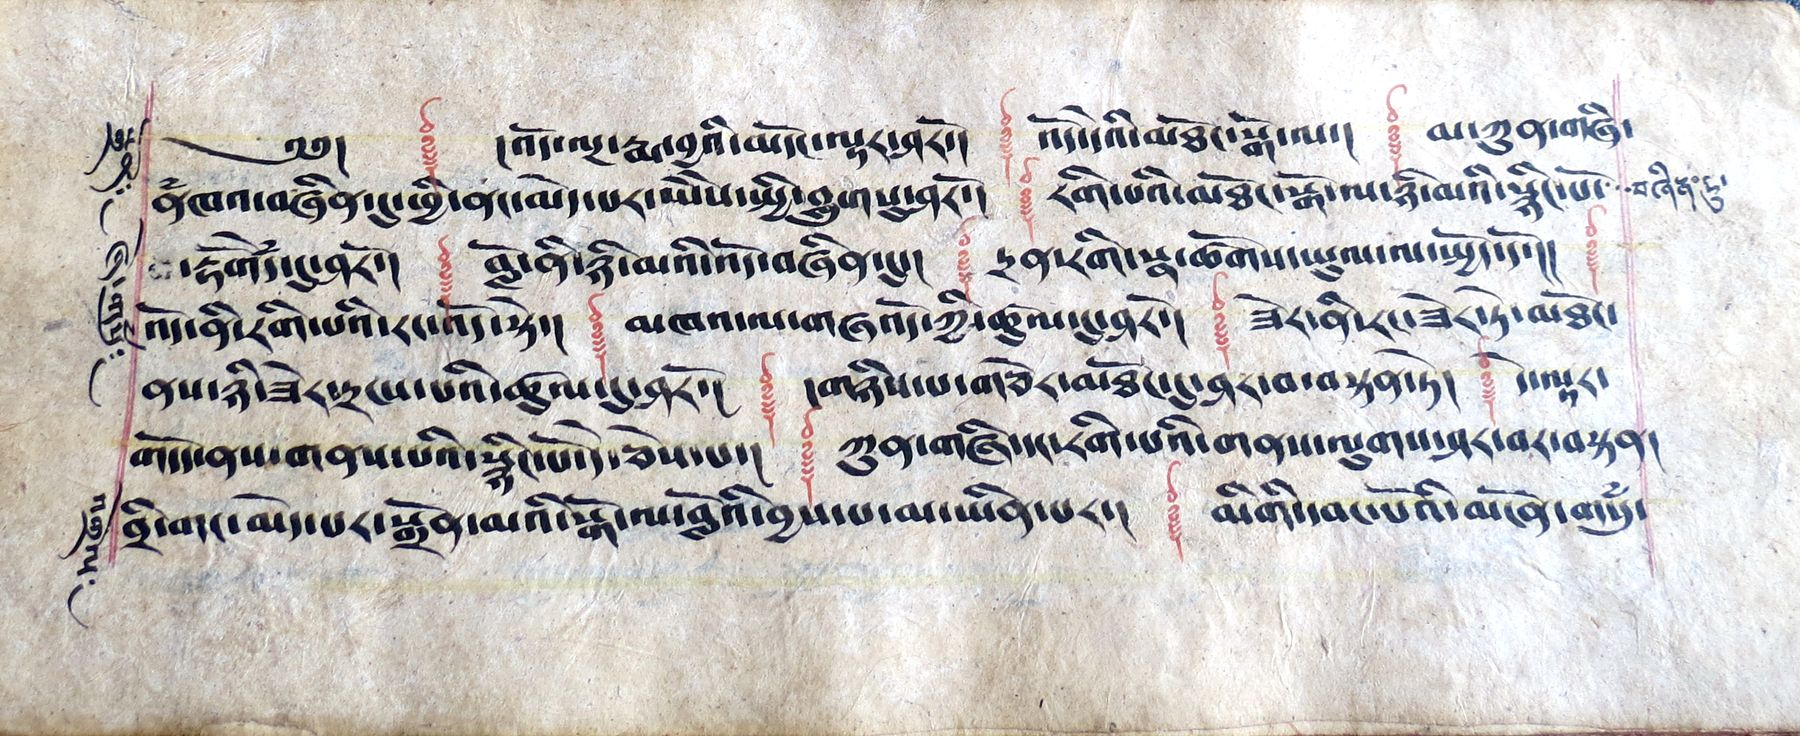ནས་འོད་ལྔ་རྨ་བྱའི་མདོངས་ལྟར་ཤར་རོ། །འོད་དེའི་མཐོང་སྒོ་ལ། མ་ཀུན་གཞི་
ནི་ནམ་མཁའ་བཞིན་དུ་ཕྱི་ནང་མེད་པར་ཡེ་ཤེས་སྤྱི་བླུགས་སུ་ཤར་རོ། །རིག་པ་ནི་མཐོང་སྒོ་ལ། ཉི་མའི་སྙིང་པོ་བཞིན་དུ་
རྟོག་མེད་དུ་ཤར་རོ། །བློ་ནི་ཉི་མའི་འོད་ཟེར་བཞིན་དུ་དྲན་རིག་སྣ་ཚོགས་ཡུལ་ལ་སྤྱོད་དོ། །
འོད་ནི་རིག་པའི་རང་འོད་དེ། མཁའ་ལ་གཞའ་འོད་ཀྱི་ཚུལ་དུ་ཤར་རོ། །ཟེར་ནི་རིག་པའི་རང་ཟེར་ཏེ། མཐོང་
ནས་ཉི་ཟེར་དྲྭ་བའི་ཟེར་དུ་ཤར་རོ། །གཉིས་པ་གཅེར་མཐོང་དུ་ཤར་བ་བསྟན་ཏེ། དེ་ལྟར་
གདོད་ནས་གནས་པའི་སྙིང་པོ་དེ། །ཞེས་པས། ཀུན་གཞི་དང་རིག་པའི་གནས་ལུགས་ཤར་བར་བསྟན། 
བྲི་གང་མེད་པར་སྒྲོན་མའི་སྒོ་ལ། བློ་ཡིས་བྱས་པ་མ་ཡིན་པར། མིག་གི་དབང་པོའི་མངོན་གསུམ་